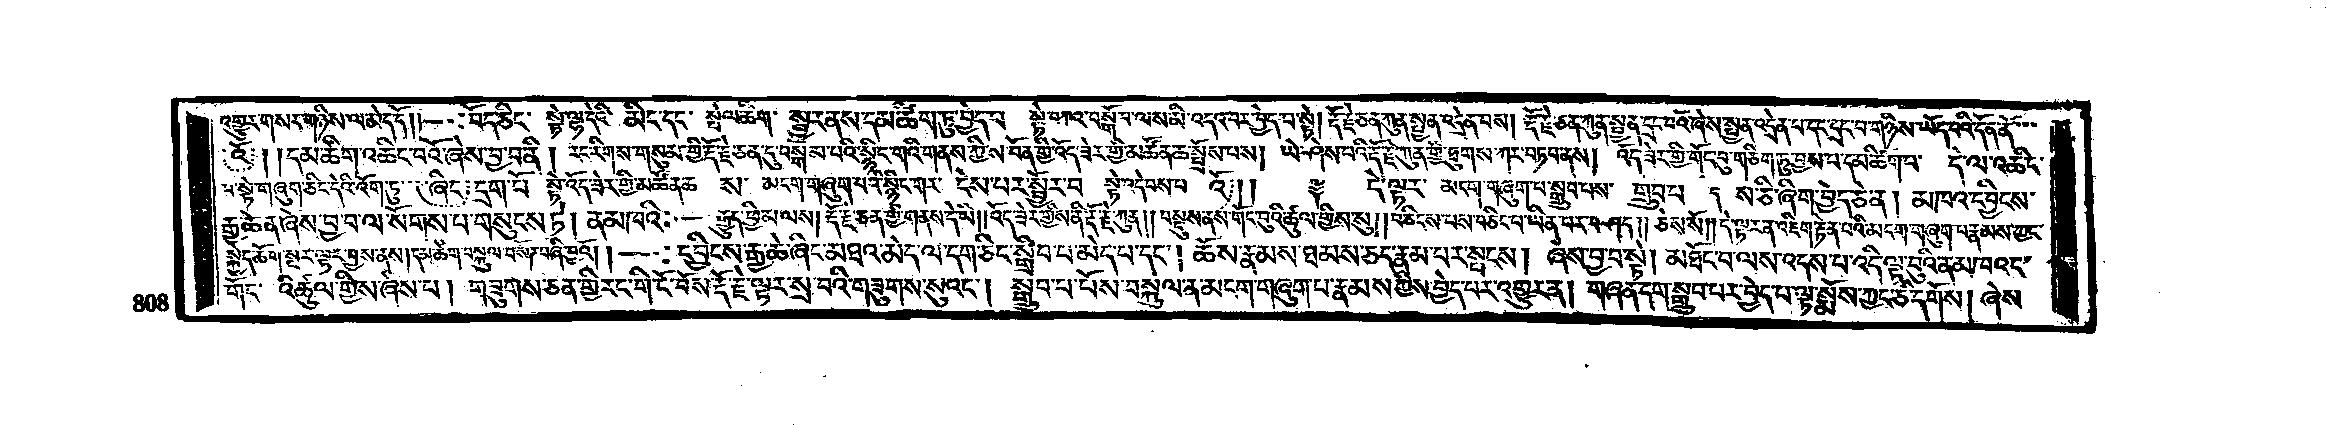འགྱུར་གསར་གཉིས་ལ་མེད་དོ།། .H བོད་ཅིང་སྟེ་ལྷ་དེའི་མིང་དང་སྤེལ་ཚིག་སྦྱར་ནས་དམ་ཚིག་ཏུ་བྱེད་པ་སྟེ་བཀའ་བསྒོ་བ་ལས་མི་འདའ་བར་བྱེད་པ་སྟེ། རྡོ་རྗེ་ཅན་ཀུན་སྤྱན་འདྲེན་པས། རྡོ་རྗེ་ཅན་ཀུན་སྤྱན་དྲང་པའོ་ཞེས་སྤྱན་འདྲེན་པ་དང་དྲང་པ་གཉིས་ཡོད་པའི་དོན་ནི་
འོ། །དམ་ཚིག་འཆིང་བའོ་ཞེས་བྱ་བ་ནི། རང་རིགས་གསུམ་གྱི་རྡོ་རྗེ་ཅན་དུ་བསྒོམ་པའི་སྙིང་གའི་གནས་ཀྱི་ས་བོན་གྱི་འོད་ཟེར་གྱི་མཚོན་ཆ་སྤྲོས་པས། ཡེ་ཤེས་པའི་རྡོ་རྗེ་ཀུན་གྱི་ཐུགས་ཀར་བཏབ་ནས། འོད་ཟེར་གྱི་གོང་བུ་གཅིག་ཏུ་བྱས་པ་དམ་ཚིག་པ་དེ་ལ་འཆིང་
པ་སྟེ་གཞུག་ཅིང་དེའི་འོག་ཏུ་ཞིང་དྲག་པོ་སྟེ་འོད་ཟེར་གྱི་མཚོན་ཆ་ས་མངག་གཞུག་པའི་སྙིང་གར་ངེས་པར་སྦྱོར་བ་སྟེ་འདེབས་པ་འོ།། ༈ དེ་ལྟར་མངག་གཞུགས་པ་སྒྲུབ་པས་གྲུབ་པ་དེ་ས་ཅི་ཞིག་བྱེད་ཅེ་ན། མཁའ་དབྱིངས་
རྒྱ་ཆེན་ཞེས་བྱ་བ་ལ་སོགས་པ་གསུངས་ཏེ། ནམ་མཁའིཿ་རྒྱུན་ཕྱི་མ་ལས། རྡོ་རྗེ་ཅན་གྱི་གནས་དེ་ཡི། །འོད་ཟེར་གྱིས་ནི་རྡོ་རྗེ་ཀུན། །བསྡུས་ནས་གོང་བུའི་ཚུལ་གྱིས་སུ། །བཅིངས་པས་བཅིང་པ་ཡིན་པར་བཤད། །ཅེས་སོ། །དེ་ལྟར་ན་འཇིག་རྟེན་པའི་མངག་གཞུག་པ་རྣམས་ཀྱང་
སྐྱེད་ཆོག་སྔར་ལྟར་བྱས་ནས། དམ་ཚིག་བསྐུལ་གསོགས་བཞི་བྱའོ། །.H དབྱིངས་རྒྱ་ཆེ་ཞིང་མཐའ་མེད་ལ་དག་ཅིང་སྒྲིབ་པ་མེད་པ་དང་། ཆོས་རྣམས་ཐམས་ཅད་རྣམ་པར་སྤངས། །ཞེས་བྱ་བ་སྟེ། མཐོང་བ་ལས་འདས་པ་འདི་ལྟ་བུའི་ནམ་མཁའང་
གོང་བུའི་ཚུལ་གྱིས་ཞེས་པ། གཟུགས་ཅན་གྱི་རང་གི་ངོ་བོས་རྡོ་རྗེ་ལྟར་སྲ་བའི་གཟུགས་སུའང་། སྒྲུབ་པ་པོས་བསྐུལ་ན་མངག་གཞུག་པ་རྣམས་ཀྱིས་བྱེད་པར་འགྱུར་ན། གཞན་དག་སྒྲུབ་པར་བྱེད་པ་ལྟ་སྨོས་ཀྱང་ཅི་དགོས། ཞེས་